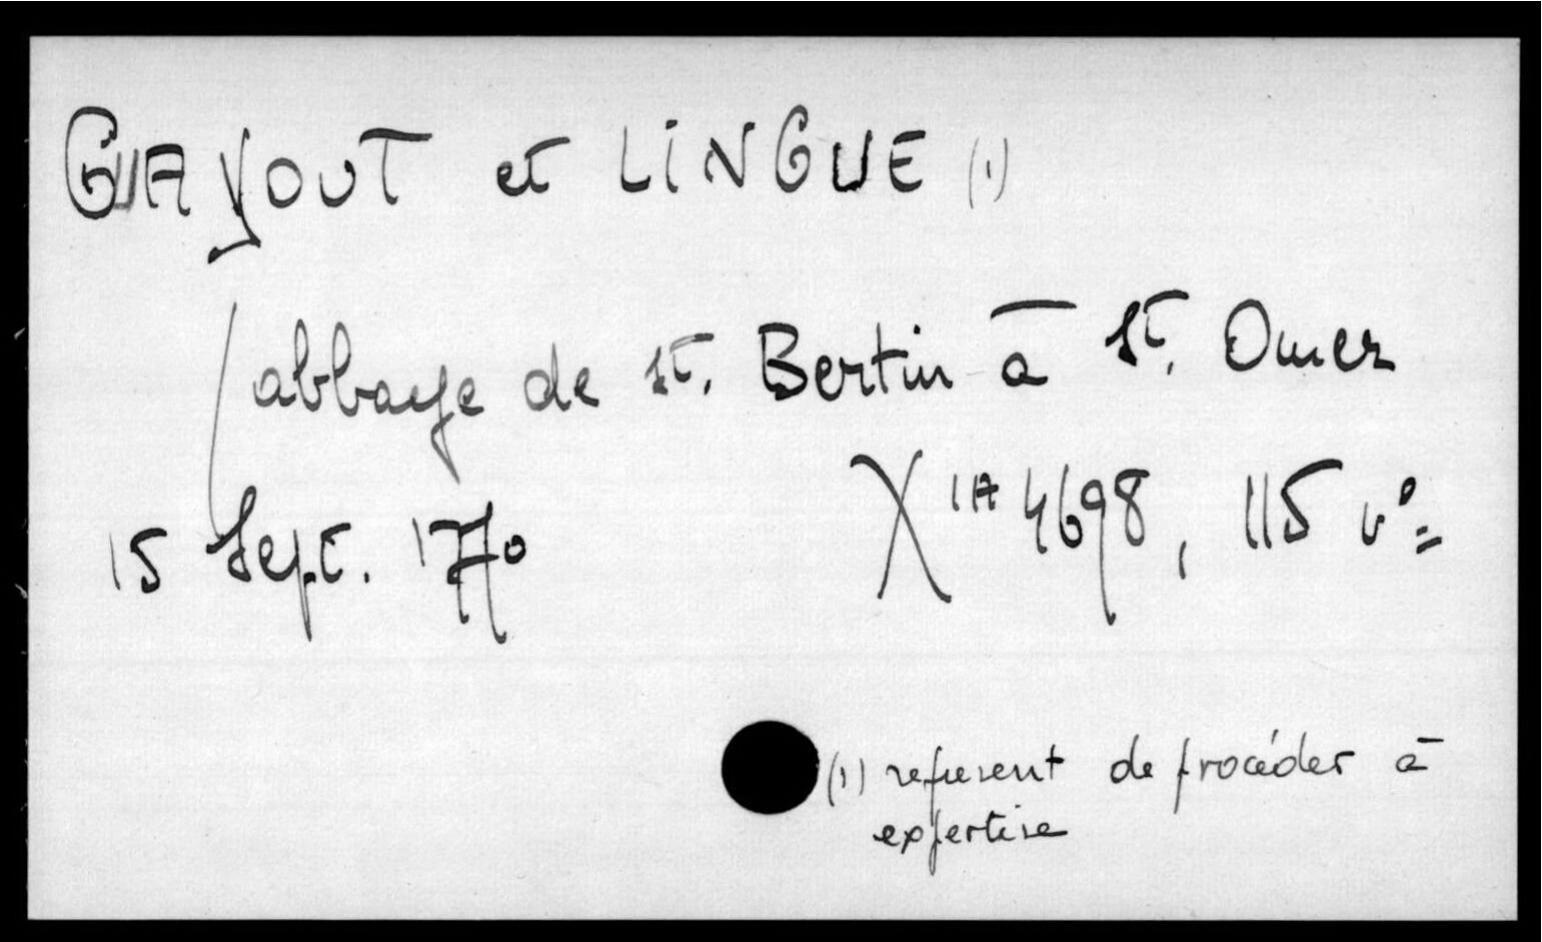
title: GUAYOUT et LINGUE (refusent de procéder à expertise)
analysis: Contre abbaye de Saint-Bertin à Saint-Omer
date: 15 septembre 1770
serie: X1A
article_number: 4698
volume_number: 115v
